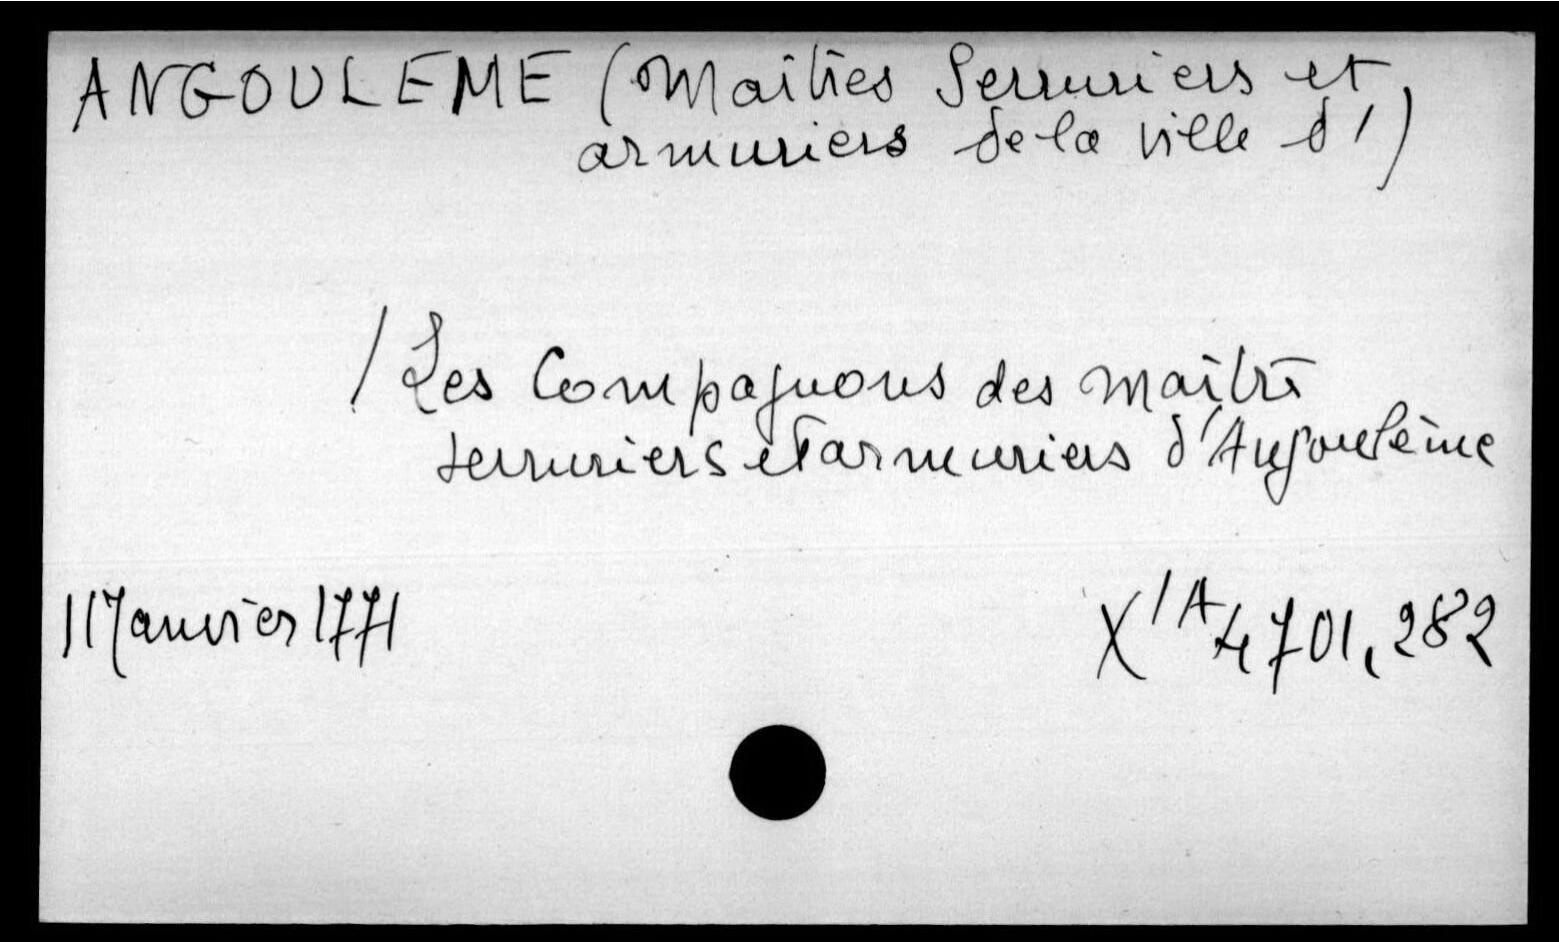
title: ANGOULEME (Maîtres Serruriers et armuriers de la ville d')
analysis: Contre Les Compagnons des maîtres serruriers et armuriers d'Angoulême
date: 11 janvier 1771
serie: X1A
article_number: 4701
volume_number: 282
